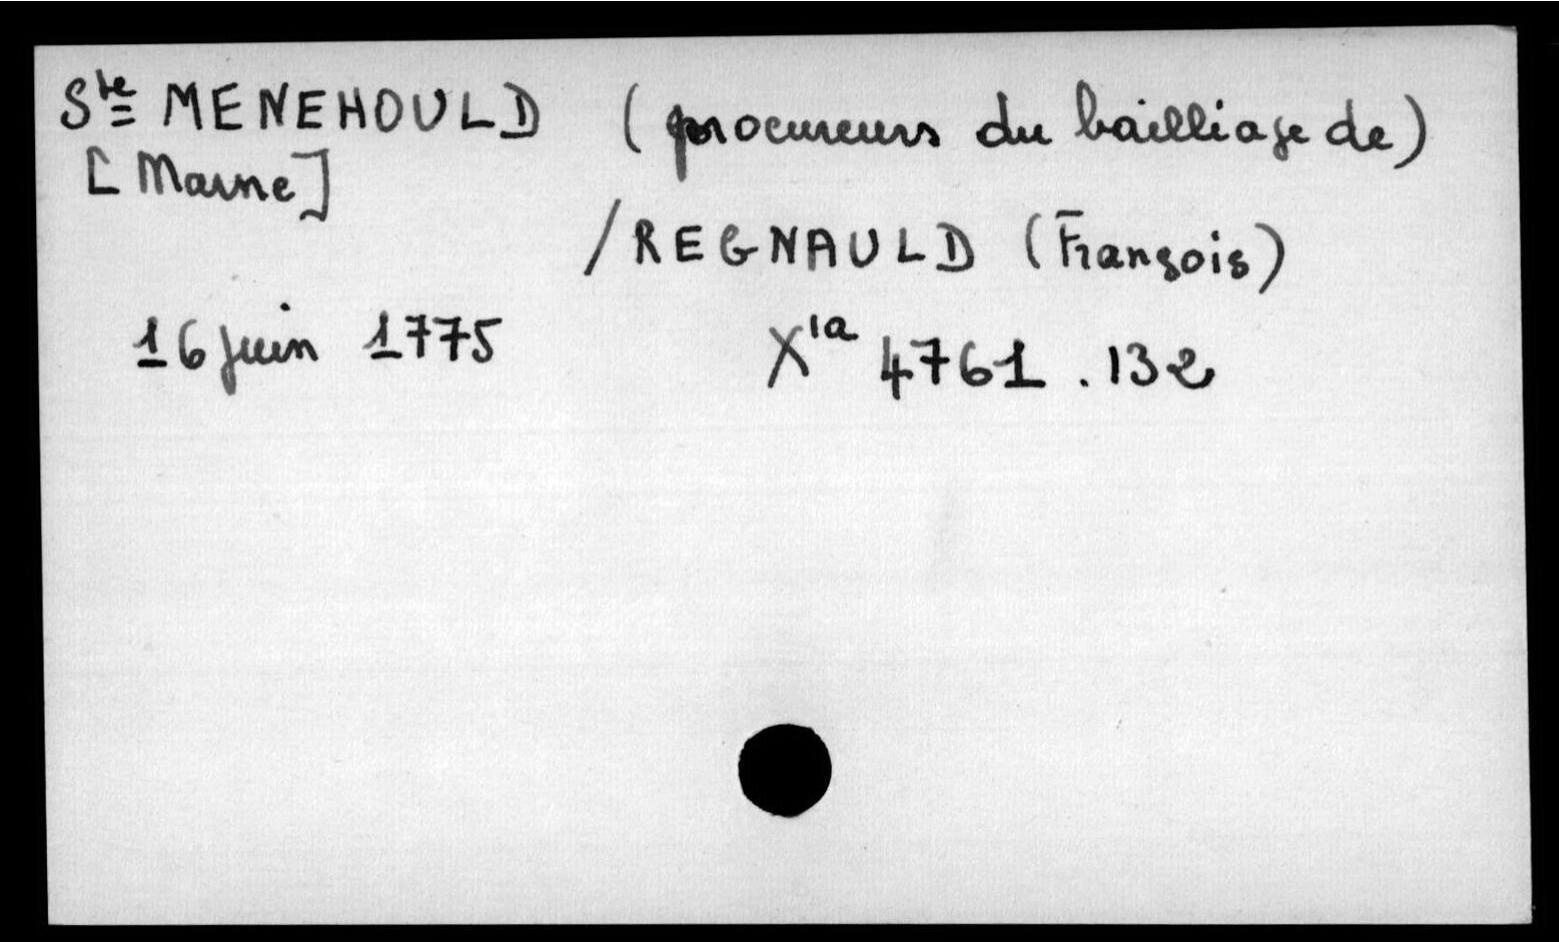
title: SAINTE-MENEHOULD (procureurs du bailliage de) [Marne]
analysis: Contre REGNAULD (François)
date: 16 juin 1775
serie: X1a
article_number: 4761
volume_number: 132
